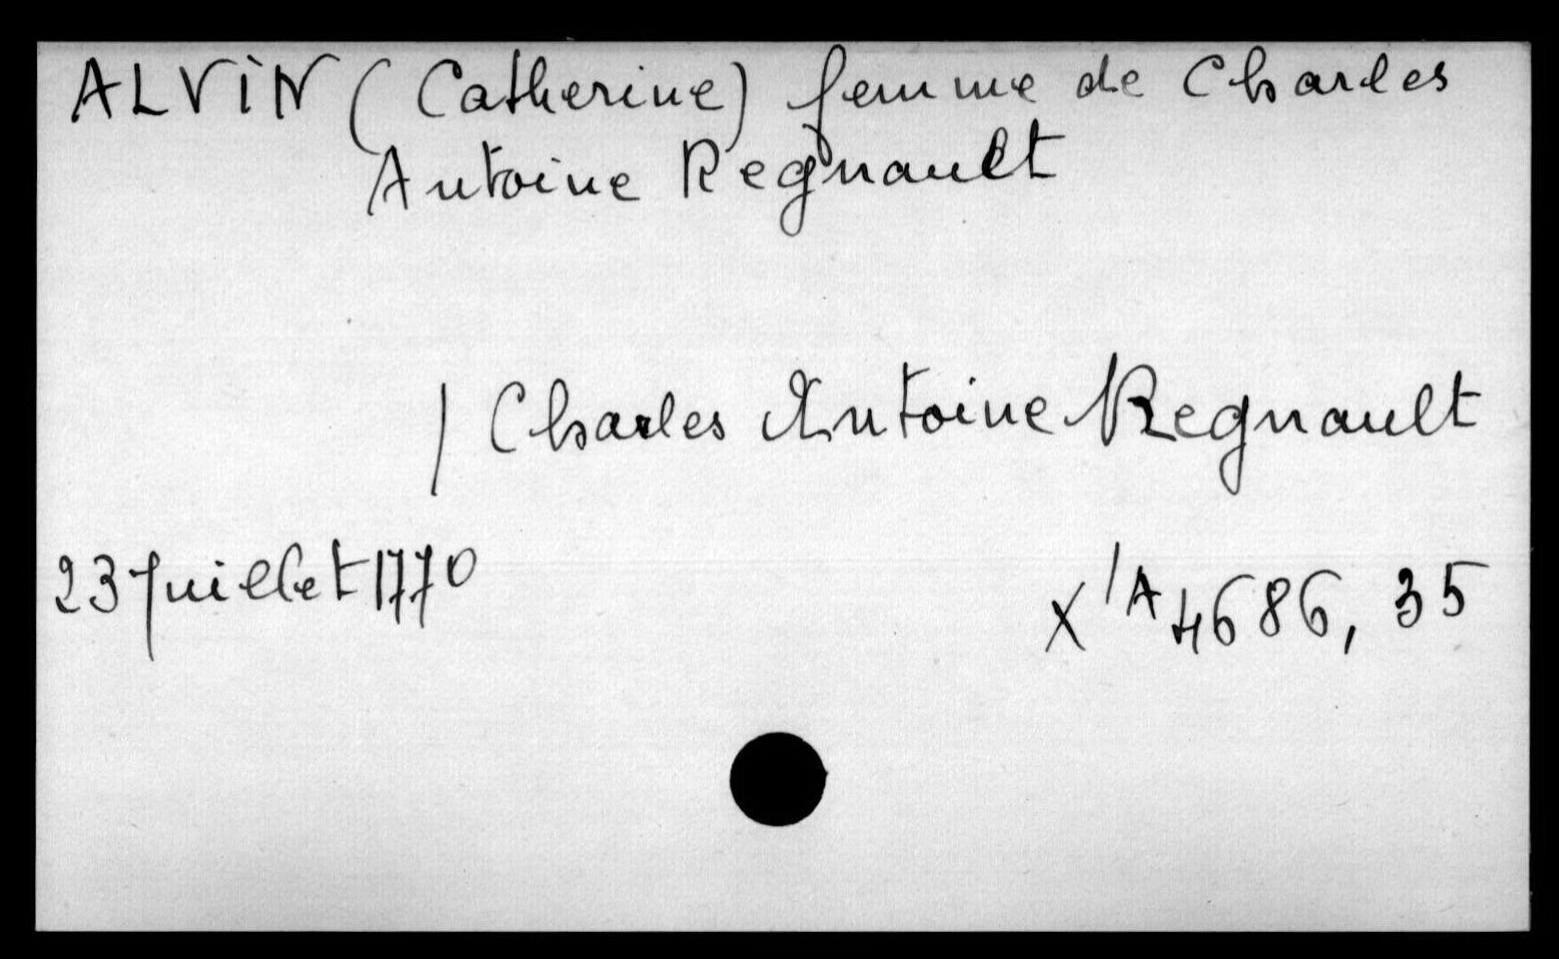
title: ALVIN (Catherine) femme de Charles Antoine Regnault
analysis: Contre Charles Antoine Regnault
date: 23 juillet 1770
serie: X1A
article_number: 4686
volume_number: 35
